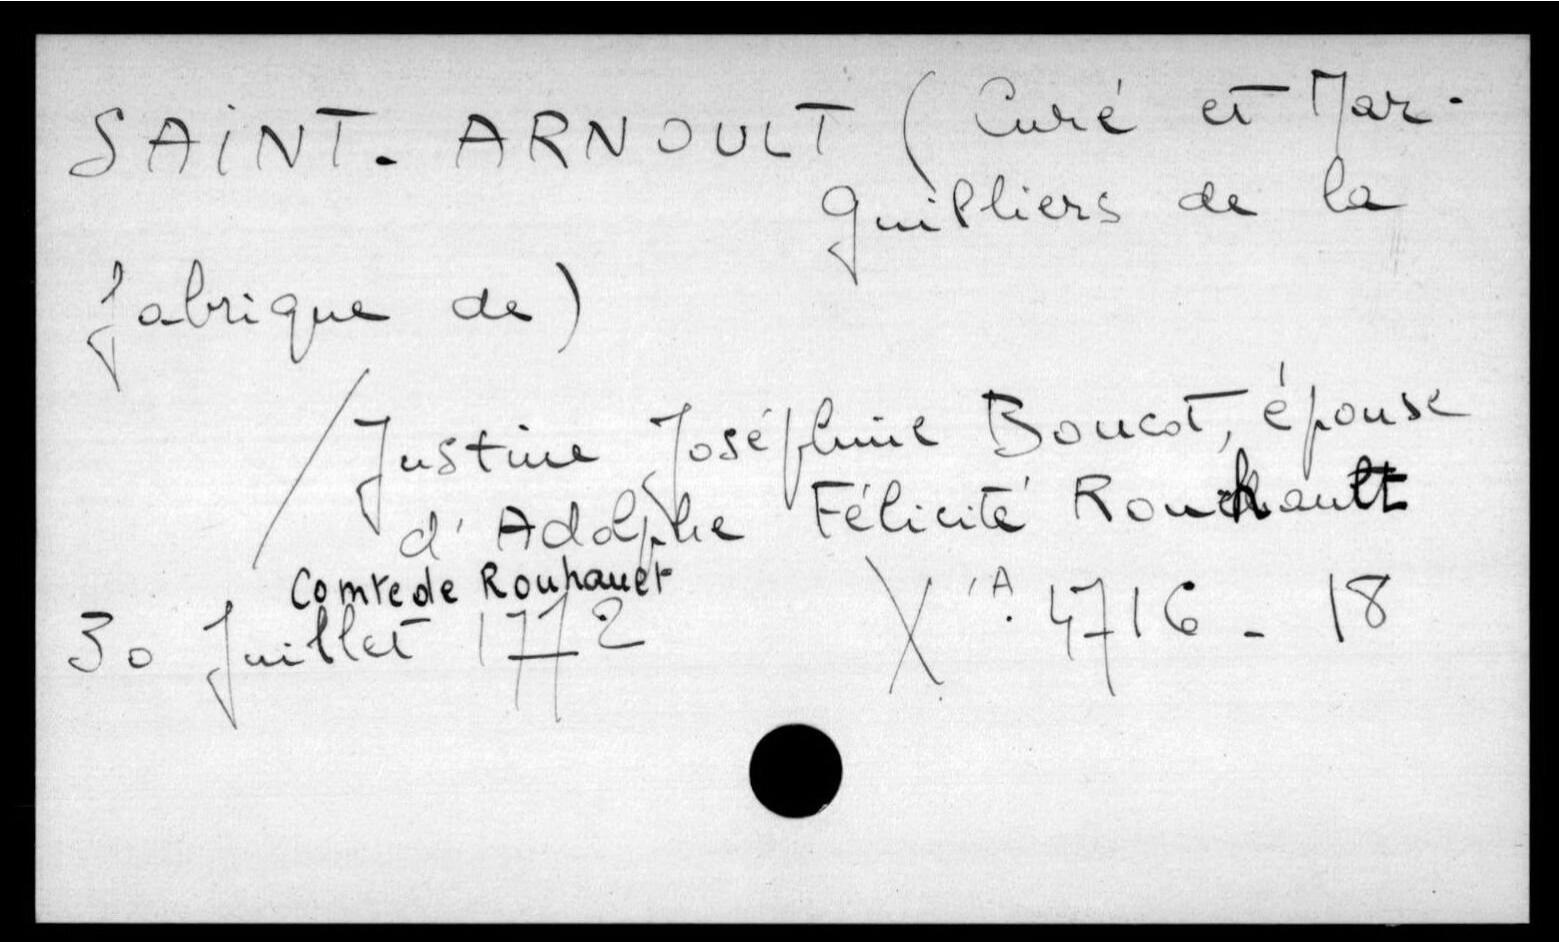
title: SAINT-ARNOULT (Curé et Marguilliers de la fabrique de)
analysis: Contre Justine Joséphine Boucot, épouse d'Adolphe Félicité Rouhault comte de Rouhault
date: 30 juillet 1772
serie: X1A
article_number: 4716
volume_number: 18
